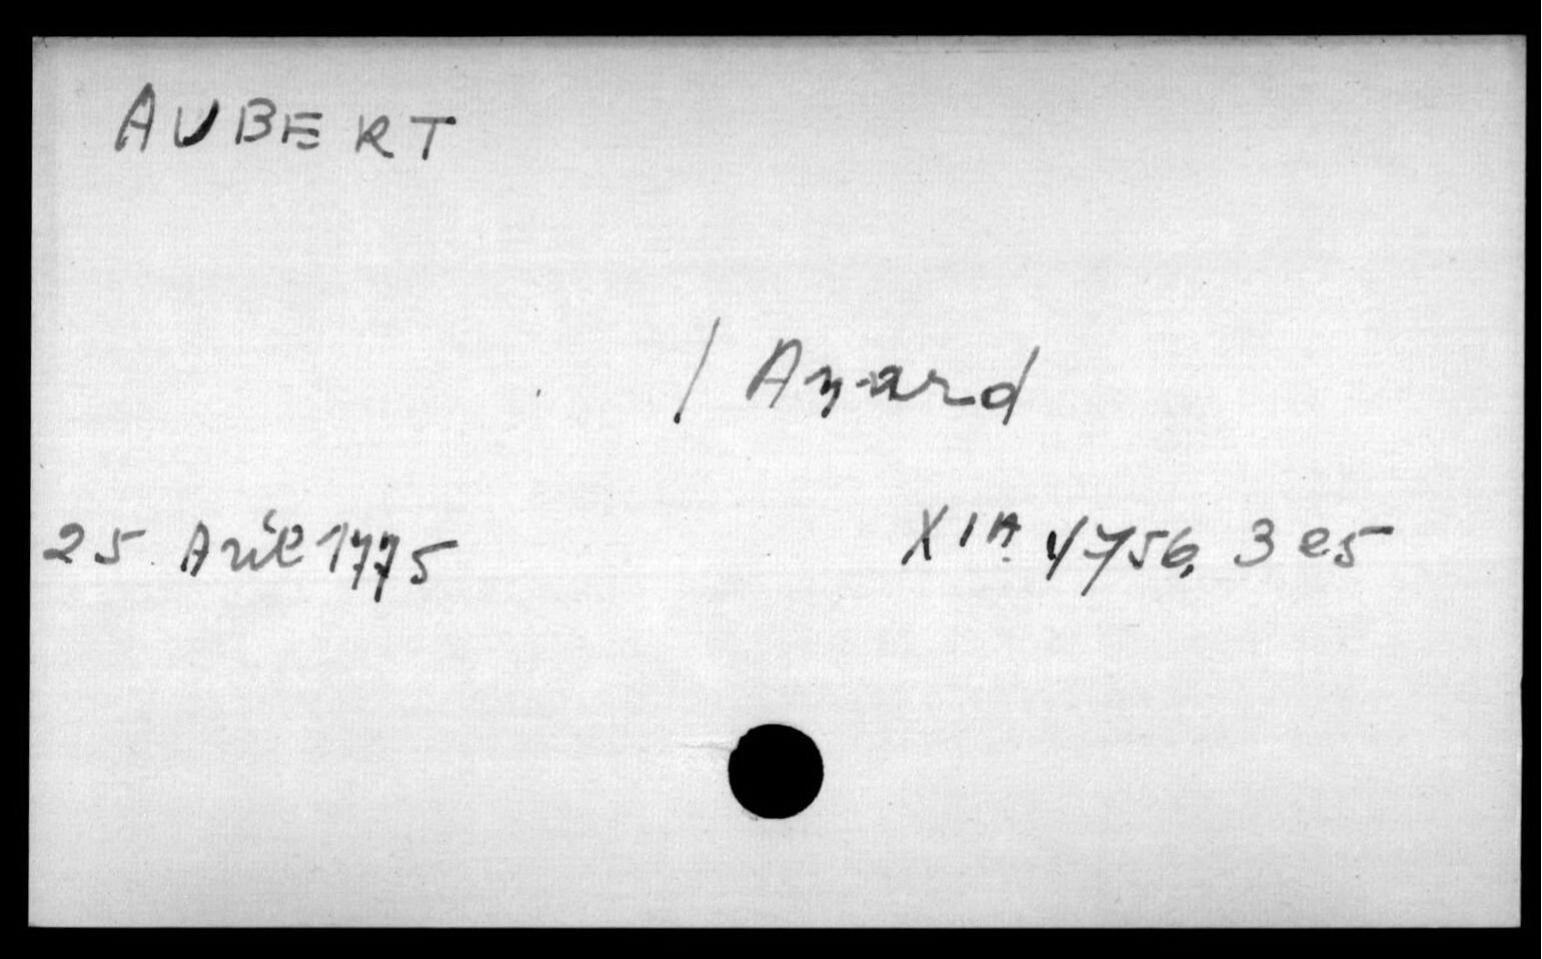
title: AUBERT
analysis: Contre Amard
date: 25 avril 1775
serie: X1A
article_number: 4756
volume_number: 325
